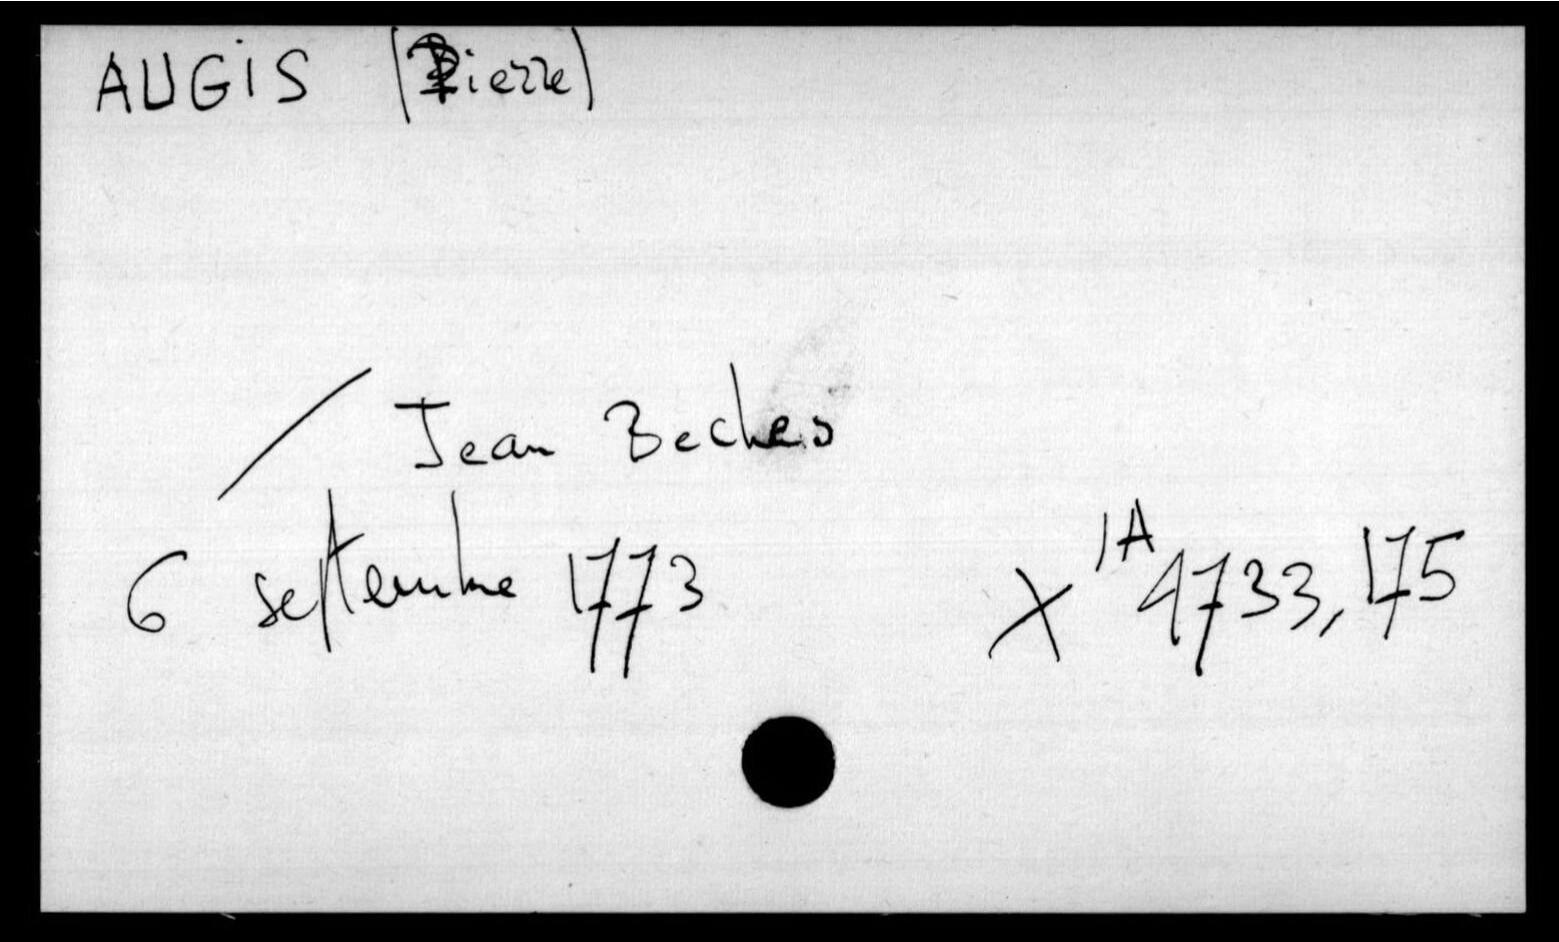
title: AUGIS (Pierre)
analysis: Contre Jean Beches
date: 6 septembre 1773
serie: X1A
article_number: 4733
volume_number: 175
